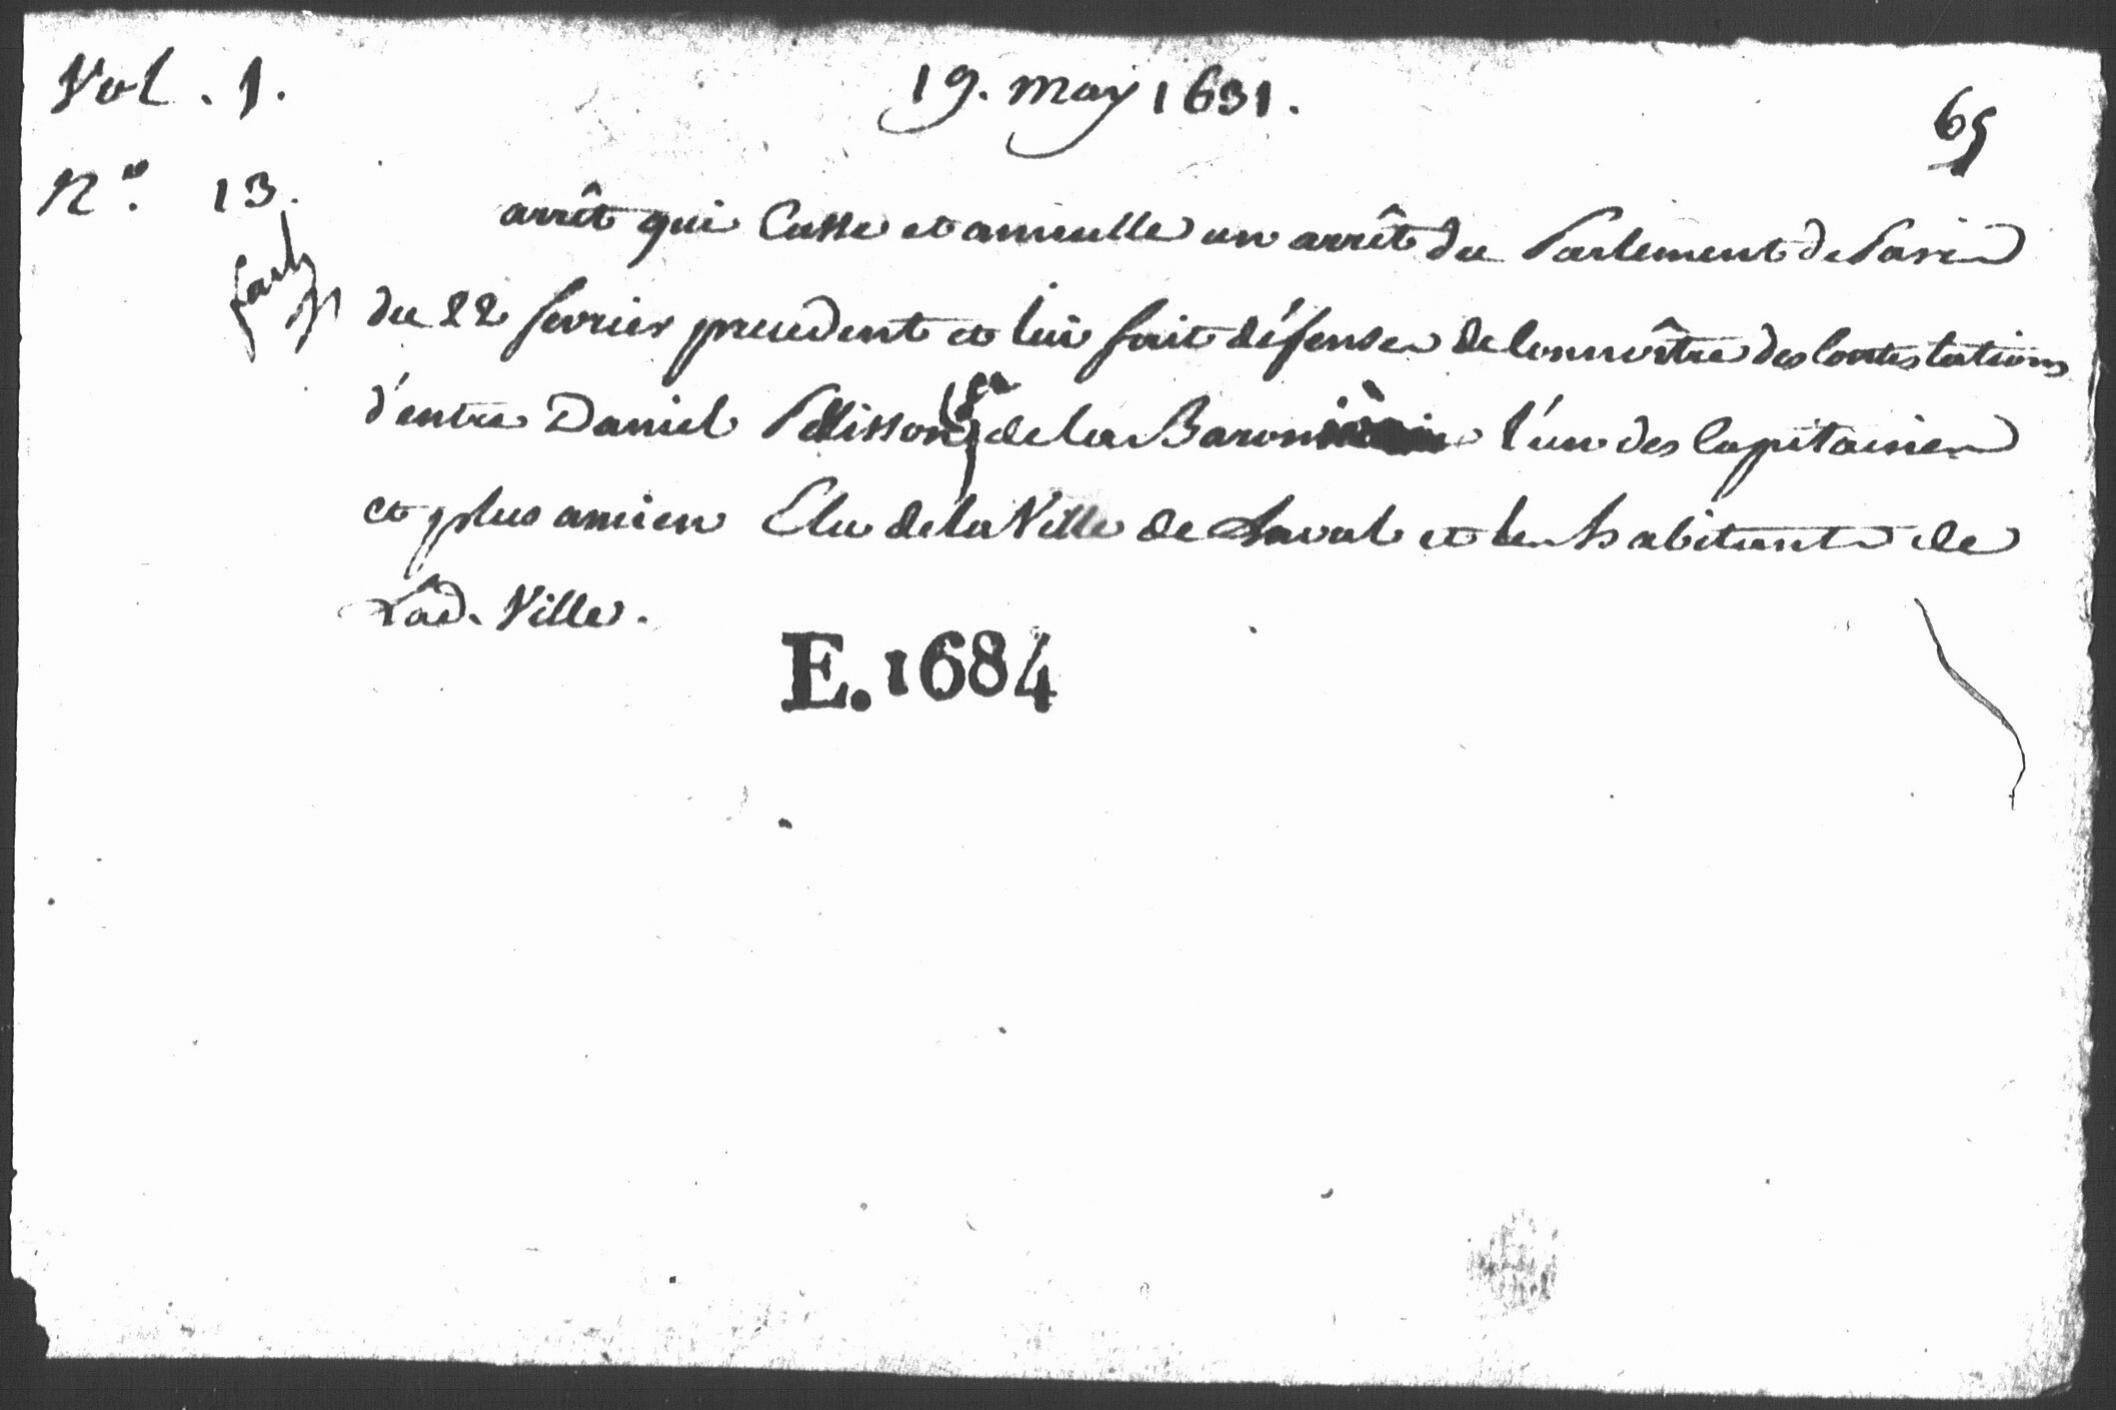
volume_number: n°13
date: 19 mai 1631
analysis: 65
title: arrêt qui casse et annulle un arrêt du Parlement de paris du 22 fevrier precedent et lui fait défenses de connoître des contestations d'entre Daniel Pellisson Sr de la Baronière l'un des capitaines et plus ancien Elu de la ville de Laval et les habitants de lad. ville.
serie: E
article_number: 1684
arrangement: vol. 1
